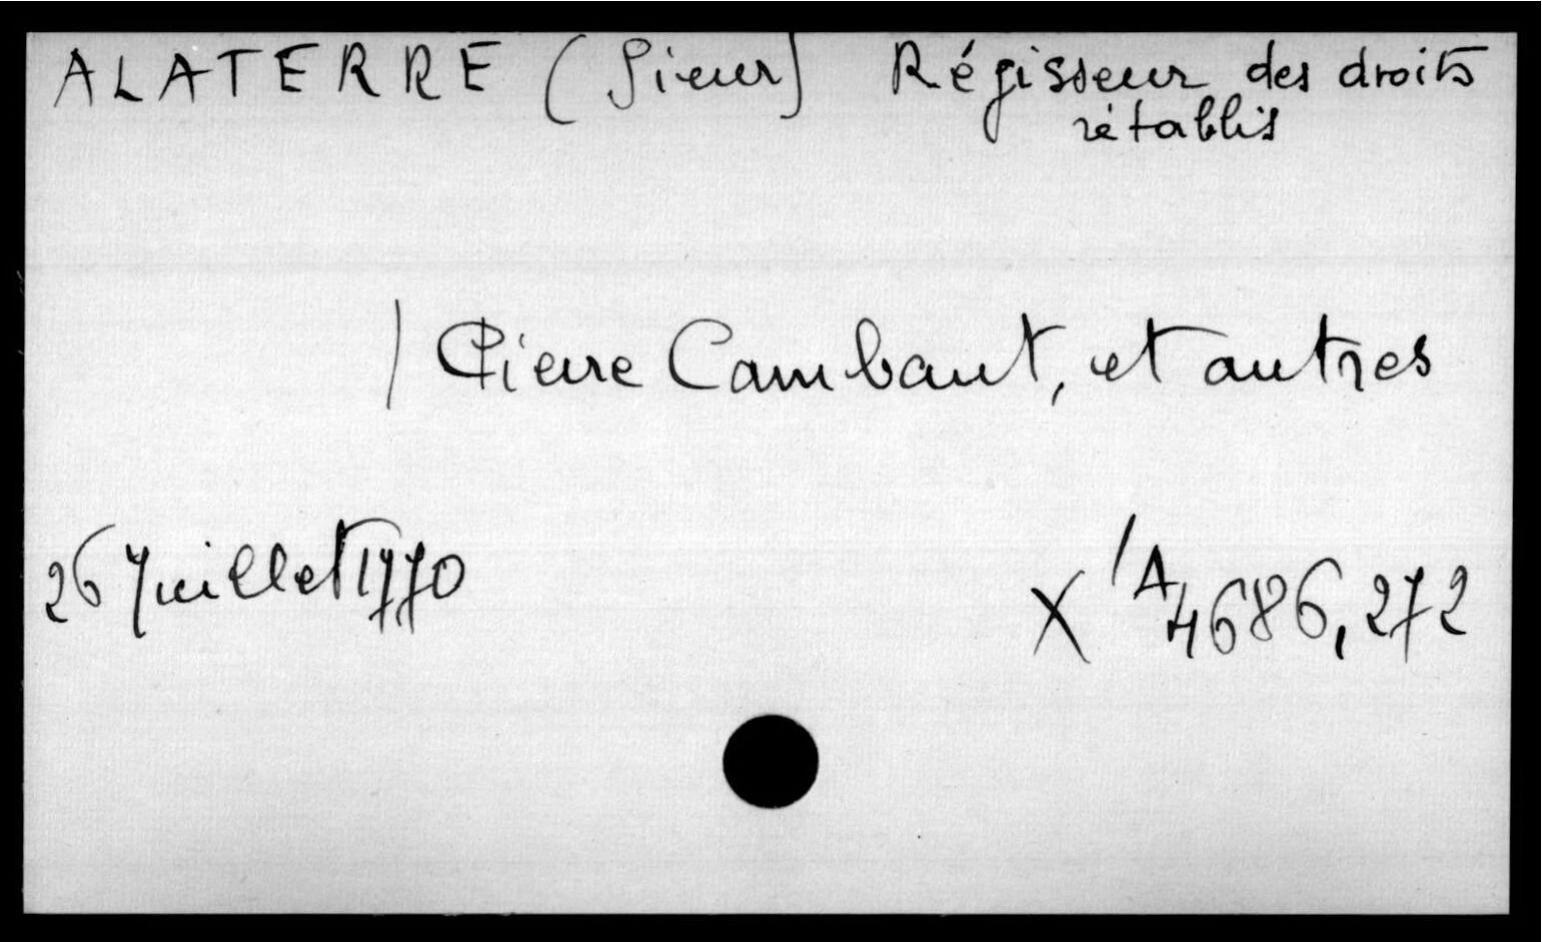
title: ALATERRE (Sieur) Régisseur des droits rétablis
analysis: Contre Pierre Cambaut, et autres
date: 26 juillet 1770
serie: X1A
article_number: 4686
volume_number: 272
